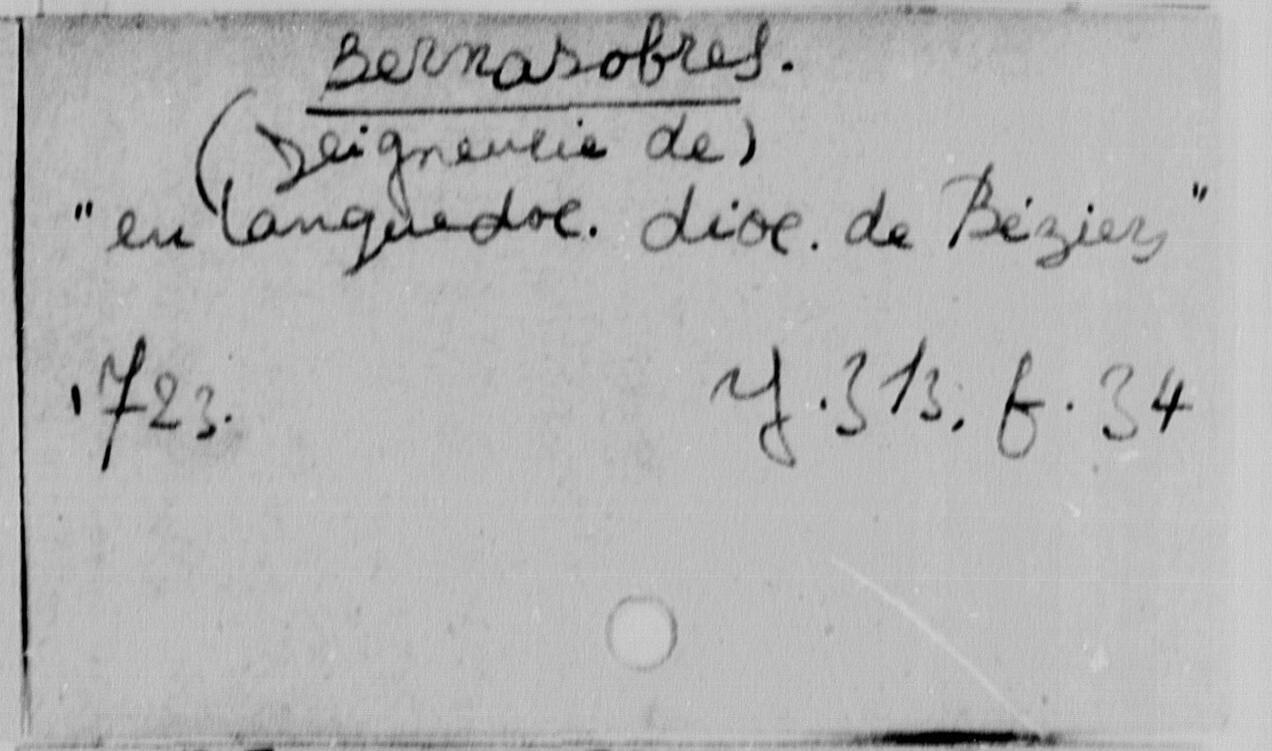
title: BERNASOBRES (Seigneurie de)
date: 1723
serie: Y
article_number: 313
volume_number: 34
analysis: "en Languedoc, diocèse de Béziers"
